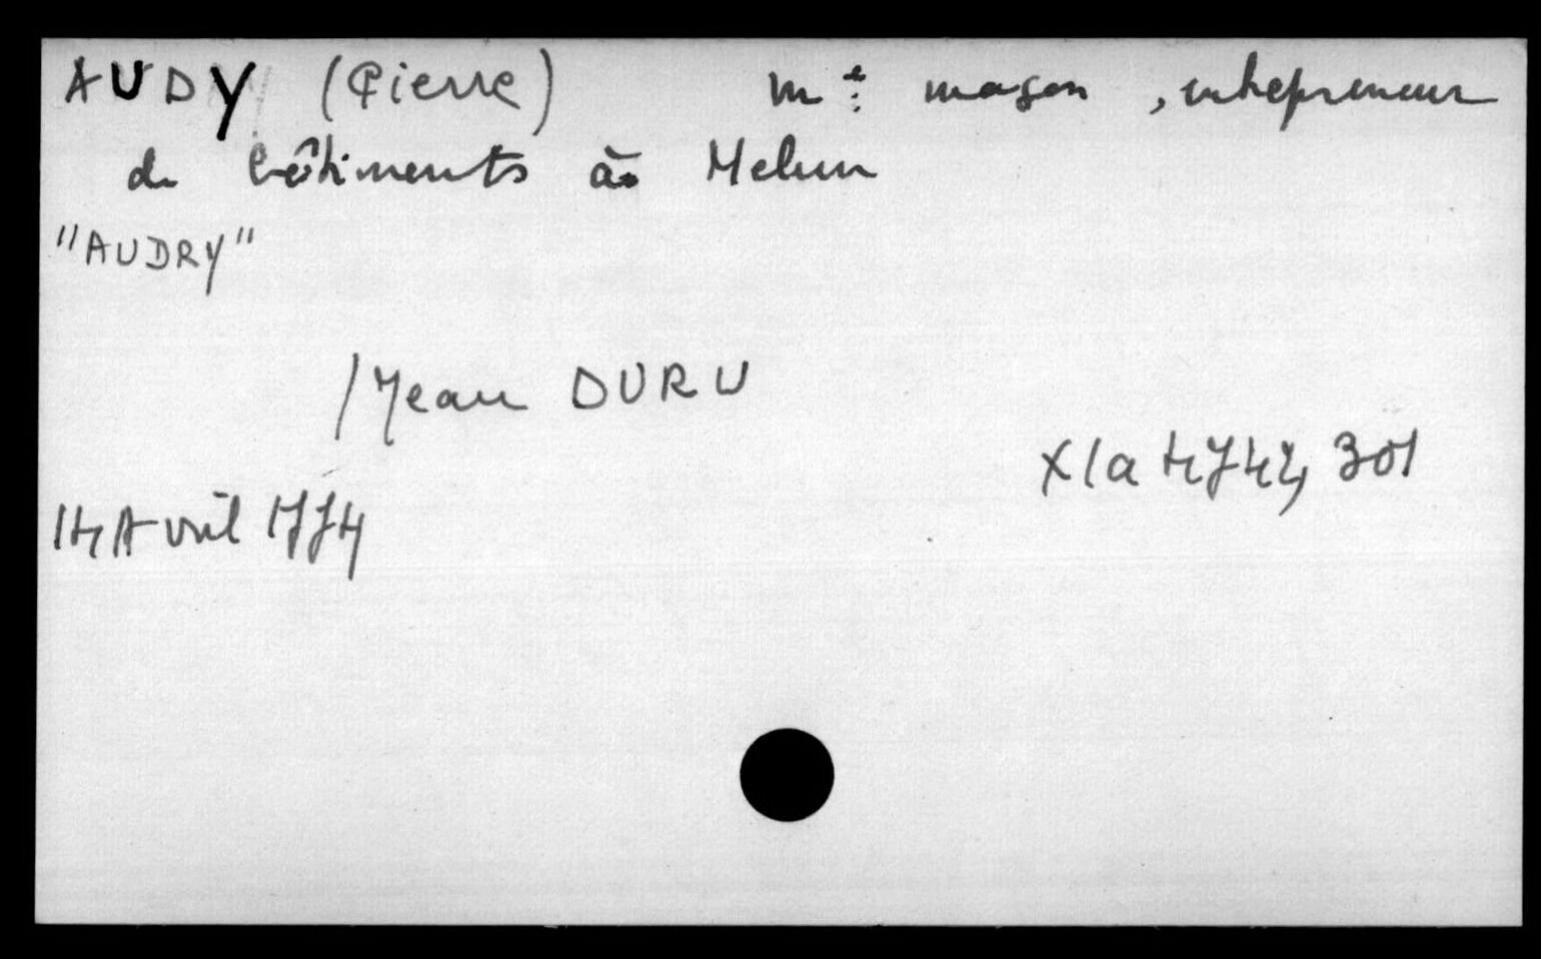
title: AUDY (Pierre) maître maçon, entrepreneur de bâtiments à Melun "AUDRY"
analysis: Contre Jean DURU
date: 14 avril 1774
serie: X1a
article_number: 4744
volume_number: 301
